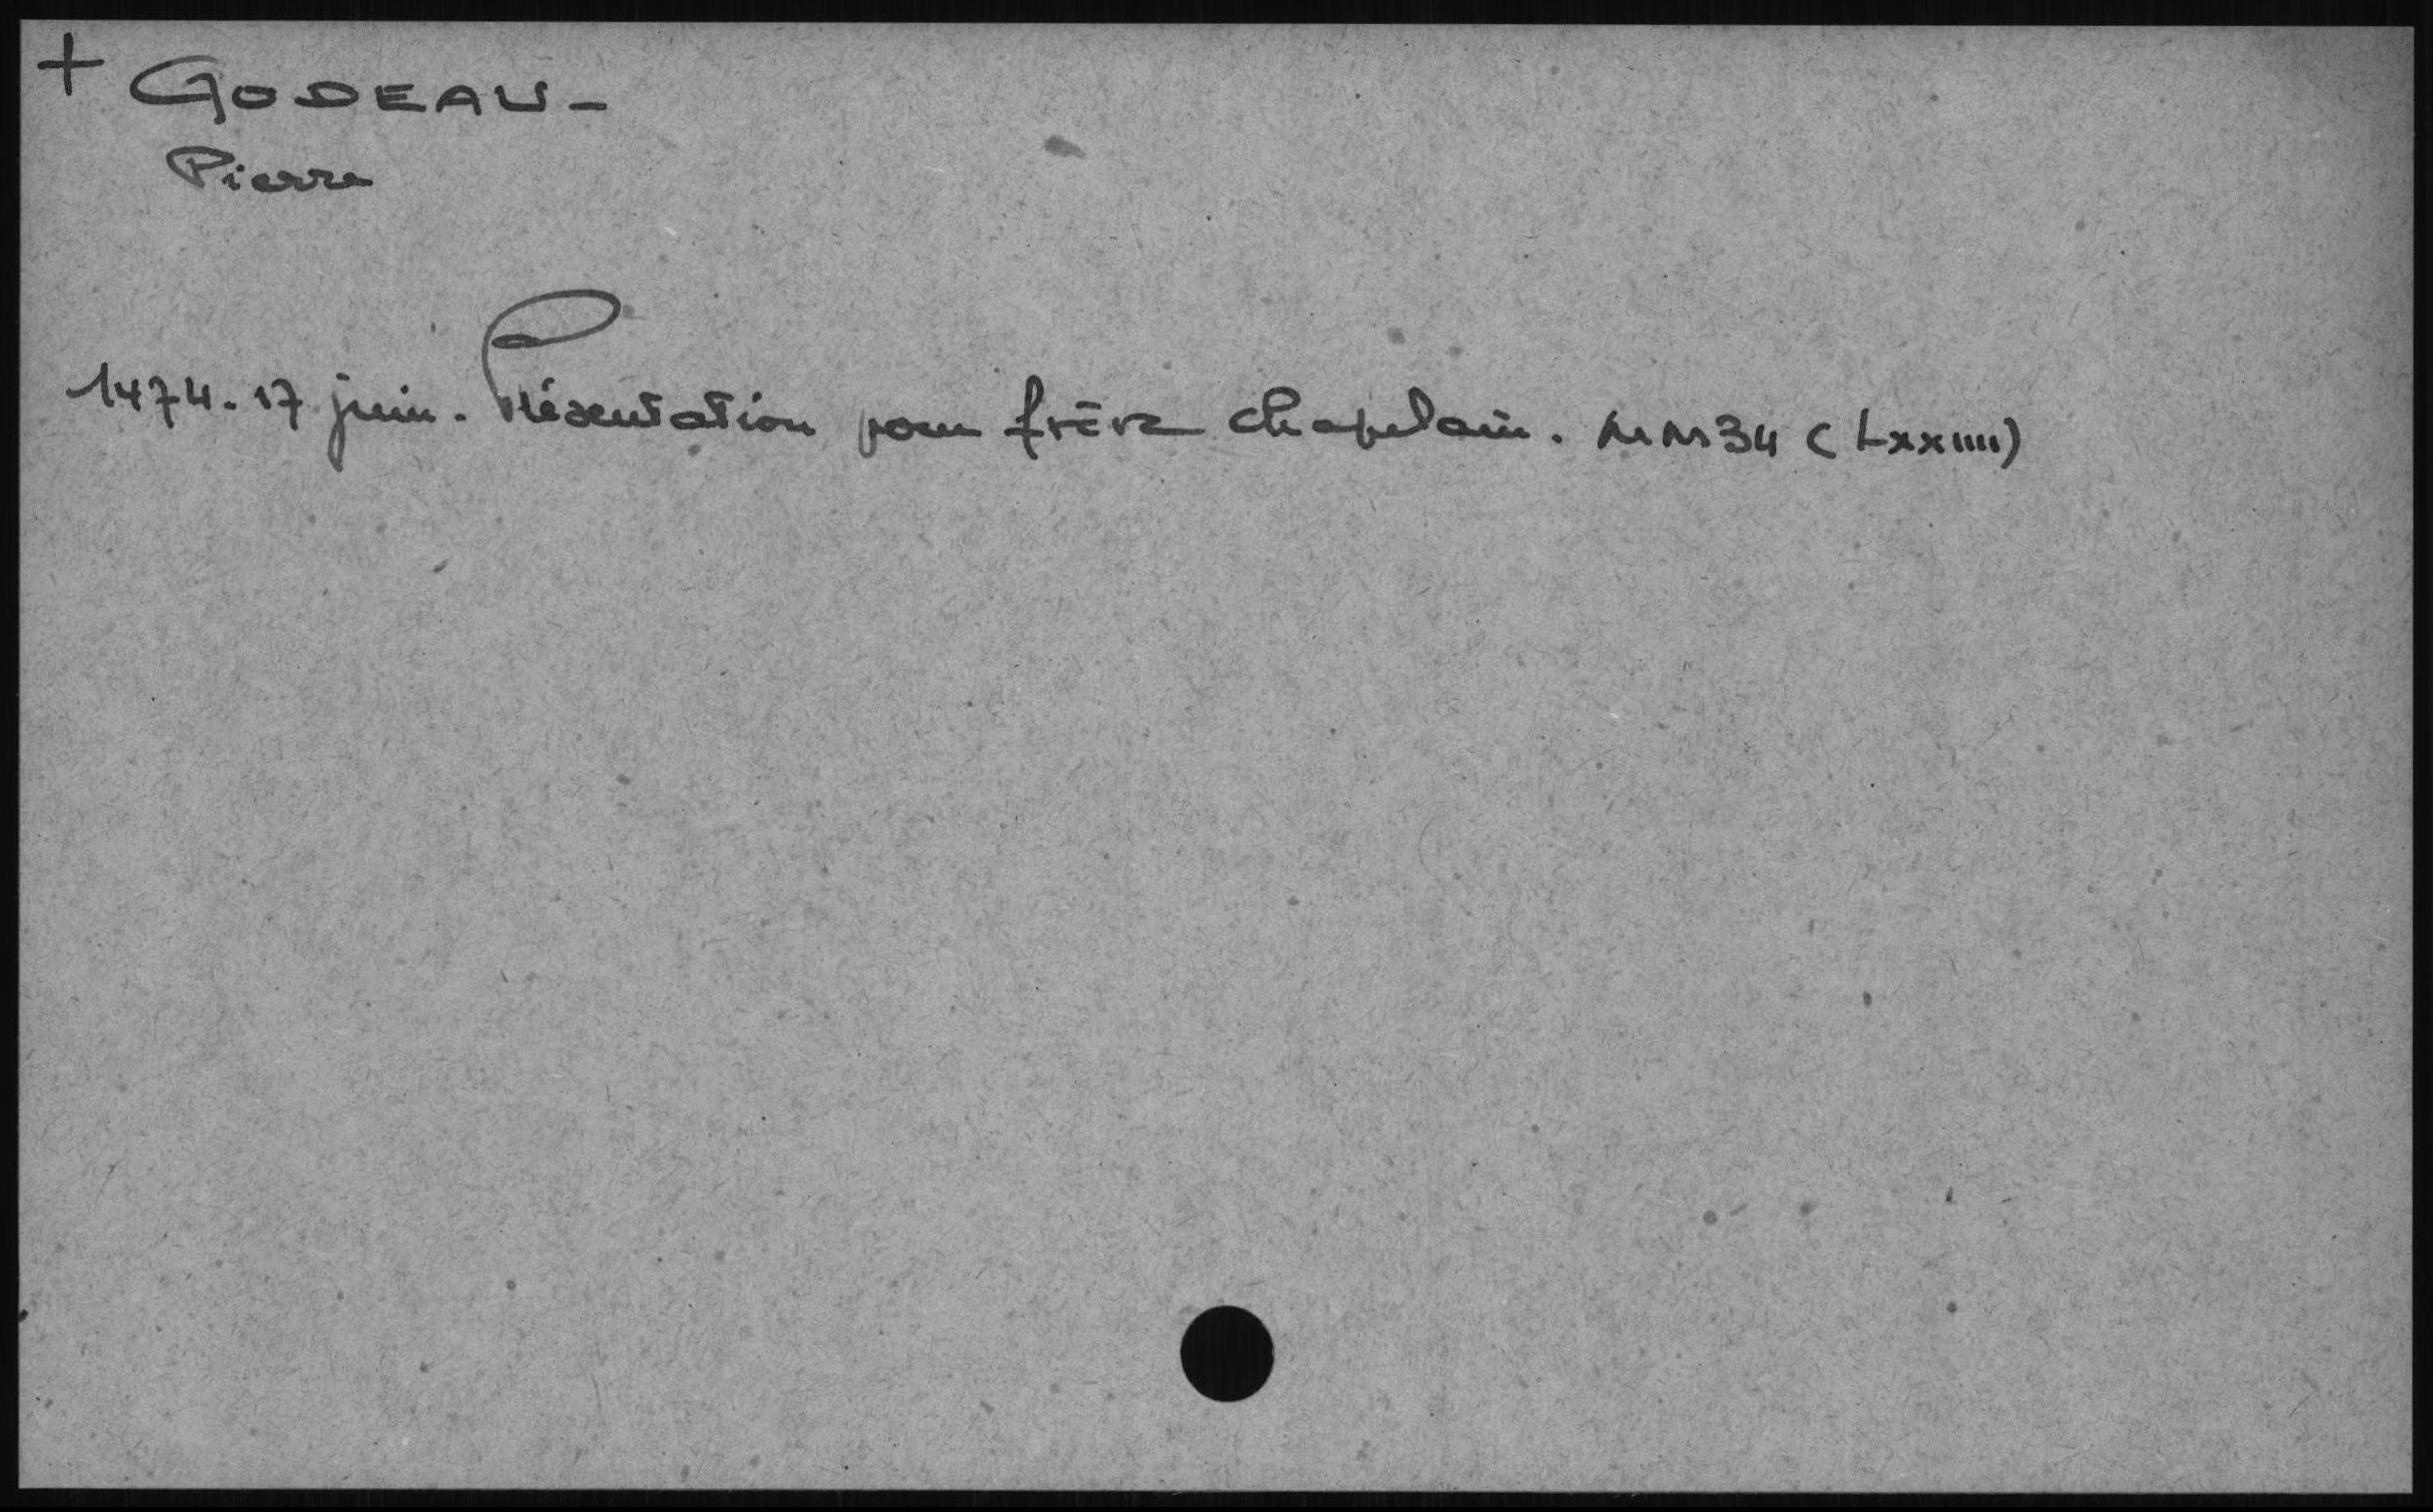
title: + GODEAU, Pierre
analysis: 1474, 17 juin. Présentation pour frère chapelain. MM 34 (LXXIIII)
